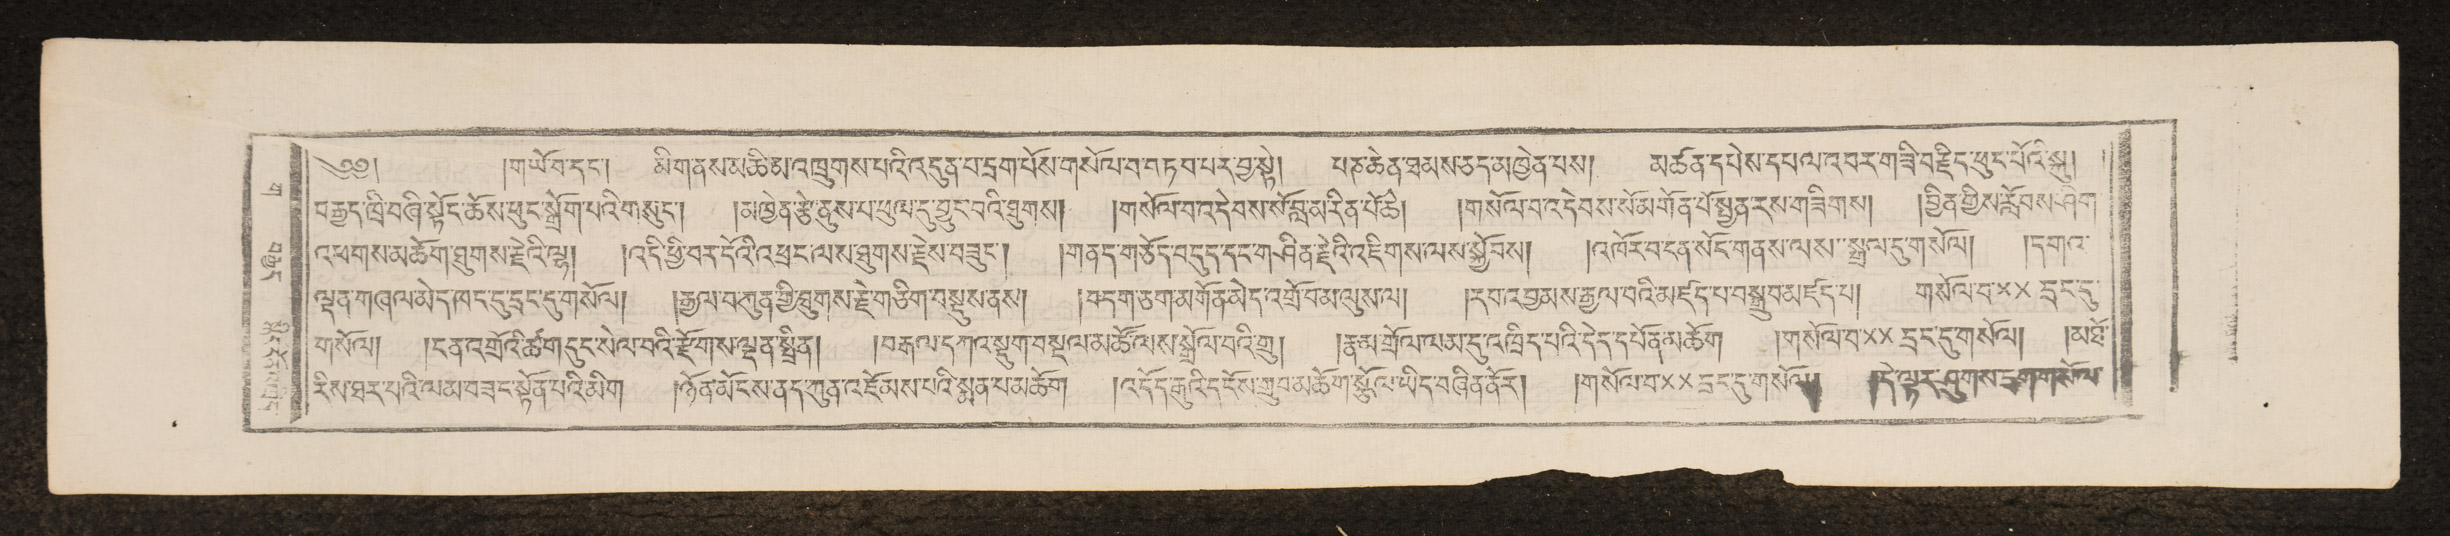༄༅། །གཡོ་བ་དང་། མིག་ནས་མཆི་མ་འཁྲུགས་པའི་འདུན་པ་དྲག་པོས་གསོལ་བ་བཏབ་པར་བྱ་སྟེ། པཎ་ཆེན་ཐམས་ཅད་མཁྱེན་པས། མཚན་དཔེས་དཔལ་འབར་གཟི་བརྗིད་ཕུང་པོའི་སྐུ། །
བརྒྱད་ཁྲི་བཞི་སྟོང་ཆོས་ཕུང་སྒྲོག་པའི་གསུང་། །མཁྱེན་རྩེ་ནུས་པ་ཕུལ་དུ་བྱུང་བའི་ཐུགས། །གསོལ་བ་འདེབས་སོ་བླ་མ་རིན་པོ་ཆེ། །གསོལ་བ་འདེབས་སོ་མགོན་པོ་སྤྱན་རས་གཟིགས། །བྱིན་གྱིས་རློབས་ཤིག་
འཕགས་མཆོག་ཐུགས་རྗེའི་ལྷ། །འདི་ཕྱི་བར་དོའི་འཕྲང་ལས་ཐུགས་རྗེས་བཟུང་། །གནད་གཅོད་བདུད་དང་གཤིན་རྗེའི་འཇིགས་ལས་སྐྱོབས། །འཁོར་བ་ངན་སོང་གནས་ལས་སྒྲལ་དུ་གསོལ། །དགའ་
ལྡན་གཞལ་མེད་ཁང་དུ་དྲང་དུ་གསོལ། །རྒྱལ་བ་ཀུན་གྱི་ཐུགས་རྗེ་གཅིག་བསྡུས་ནས། །བདག་ཅག་མགོན་མེད་འགྲོ་བ་མ་ལུས་ལ། །རབ་འབྱམས་རྒྱལ་བའི་མཛད་པ་བསྒྲུབ་མཛད་པ། གསོལ་བ་྾྾་དྲང་དུ་
གསོལ། །ངན་འགྲོའི་ཚ་གདུང་སེལ་བའི་རྫོགས་ལྡན་སྤྲིན། །བརྒལ་དཀའ་སྡུག་བསྔལ་མཚོ་ལས་སྒྲོལ་བའི་གྲུ། །རྣམ་གྲོལ་ལམ་དུ་འཁྲིད་པའི་དེད་དཔོན་མཆོག །གསོལ་བ་྾྾་དྲང་དུ་གསོལ། །མཐོ་
རིས་ཐར་པའི་ལམ་བཟང་སྟོན་པའི་མིག །ཉོན་མོངས་ནད་ཀུན་འཇོམས་པའི་སྨན་པ་མཆོག །འདོད་རྒུའི་དངོས་གྲུབ་མཆོག་སྩོལ་ཡིད་བཞིན་ནོར། །གསོལ་བ་྾྾་དྲང་དུ་གསོལ། །དེ་ལྟར་ཤུགས་དྲག་གསོལ་